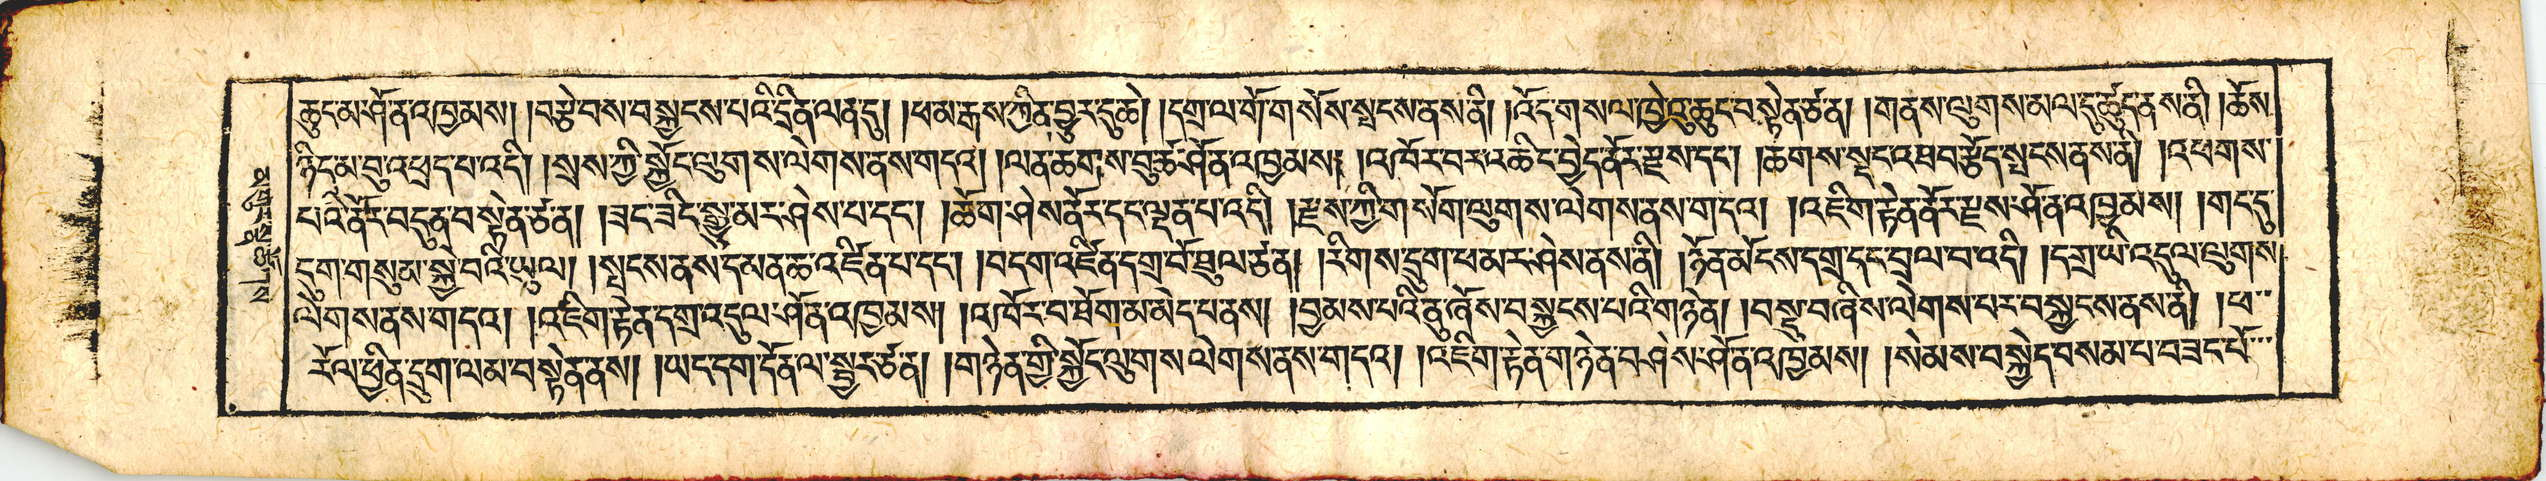ཆུང་མ་ཤོ་ན་འཁྱམས། །བརྩེ་བས་བསྐྱངས་པའི་དྲིན་ལན་དུ། །ཕ་མ་རྒས་ཀྱིན་བྱུར་དུ་ཆེ། །དགྲ་ལ་གོ་གསོས་སྤངས་ནས་ནི། །འོད་གསལ་ཁྱེའུ་ཆུང་བསྟེན་ཙ་ན། །གནས་ལུགས་མལ་དུ་ཚུད་ནས་ནི། །ཆོས་
ཉིད་མ་བུ་འཕྲད་པ་འདི། །སྲས་ཀྱི་སྐྱོང་ལུགས་ལེགས་ནས་གདའ། །ལན་ཚགས་བུ་ཚ་ཤོ་ན་འཁྱམས། །འཁོར་བར་འཆིང་བྱེད་ནོར་རྫས་དང་། །ཆགས་སྡང་འཐབ་རྩོད་སྤངས་ནས་ནི། །འཕགས་
པའི་ནོར་བདུན་བསྟེན་ཙ་ན། །ཟང་ཟིང་སྒྱུ་མར་ཤེས་པ་དང་། །ཆོག་ཤེས་ནོར་དང་ལྡན་པ་འདི། །རྫས་ཀྱི་གསོག་ལུགས་ལེགས་ནས་གདའ། །འཇིག་རྟེན་ནོར་རྫས་ཤོ་ན་འཁྱམས། །གང་དུ་
དུག་གསུམ་སྐྱེ་བའི་ཡུལ། །སྤངས་ནས་དམན་ཆ་འཛིན་པ་དང་། །བདག་འཛིན་དགྲ་བོ་ཐུལ་ཙ་ན། །རིགས་དྲུག་ཕ་མར་ཤེས་ནས་ནི། །ཉོན་མོངས་དགྲ་དང་བྲལ་བ་འདི། །དགྲ་ཡི་འདུལ་ལུགས་
ལེགས་ནས་གདའ། །འཇིག་རྟེན་དགྲ་འདུལ་ཤོ་ན་འཁྱམས། །འཁོར་བ་ཐོག་མ་མེད་པ་ནས། །བྱམས་པའི་ནུ་ཞོས་བསྐྱངས་པའི་གཉེན། །བསྡུ་བཞིས་ལེགས་པར་བསྐྱངས་ནས་ནི། །ཕ་
རོལ་ཕྱིན་དྲུག་ལམ་བསྟེན་ནས། །ཡང་དག་དོན་ལ་སྦྱར་ཙ་ན། །གཉེན་གྱི་སྐྱོང་ལུགས་ལེགས་ནས་གདའ། །འཇིག་རྟེན་གཉེན་བཤེས་ཤོ་ན་འཁྱམས། །སེམས་བསྐྱེད་བསམ་པ་བཟང་པོ་